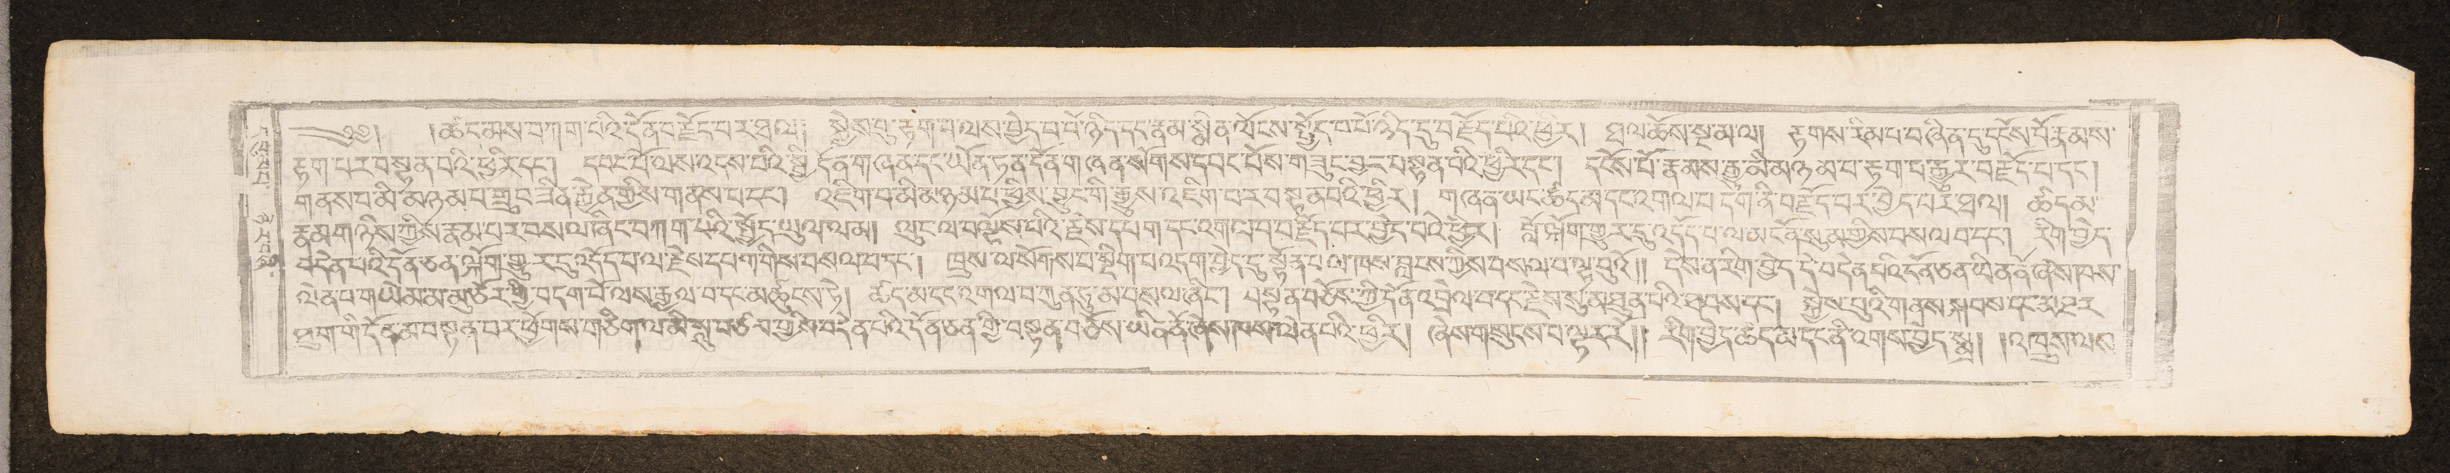༄༅། །ཚད་མས་བཀག་པའི་དོན་བརྗོད་པར་ཐལ། སྐྱེས་བུ་རྟག་པ་ལས་བྱེད་པ་པོ་ཉིད་དང་རྣམ་སྨིན་ལོངས་སྤྱོད་པ་པོ་ཉིད་དུ་བརྗོད་པའི་ཕྱིར། ཐལ་ཆོས་སྔ་མ་ལ། རྟགས་རིམ་པ་བཞིན་དུ་དངོས་པོ་རྣམས་
རྟག་པར་བསྟན་པའི་ཕྱིར་དང་། དབང་པོ་ལས་འདས་པའི་སྤྱི་དོན་གཞན་དང་ཡོན་ཏན་དོན་གཞན་སོགས་དབང་པོས་གཟུང་བྱང་བསྟན་པའི་ཕྱིར་དང་། དངོས་པོ་རྣམས་རྒྱུ་མི་མཉམ་པ་རྟག་པ་རྒྱུར་བརྗོད་པ་དང་།
གནས་པ་མི་མཉམ་པ་གྲུབ་ཟིན་རྐྱེན་གྱིས་གནས་པ་དང་། འཇིག་པ་མི་མཉམ་པ་ཕྱིས་བྱུང་གི་རྒྱུས་འཇིག་པར་བསྟན་པའི་ཕྱིར། གཞན་ཡང་ཚད་མ་དང་འགལ་བདག་ནི་བརྗོད་པར་བྱེད་པར་ཐལ། ཚད་མ་
རྣམ་གཉིས་ཀྱིས་རྣམ་པར་བསལ་ཞིང་བཀག་པའི་སྤྱོད་ཡུལ་ལམ། ལུང་ལ་བལྟོས་པའི་རྗེས་དཔག་དང་འགལ་བ་བརྗོད་པར་བྱེད་པའི་ཕྱིར། བློ་ལྐོག་གྱུར་དུ་འདོད་པ་ལ་མངོན་སུམ་གྱིས་བསལ་བ་དང་། རིག་བྱེད་
བདེན་པའི་དོན་ཅན་ལྐོག་གྱུར་དུ་འདོད་པ་ལ་རྗེས་དཔག་གིས་བསལ་བ་དང་། ཁྲུས་ལ་སོགས་པ་སྡིག་པ་འདག་བྱེད་དུ་སྟོན་པ་ལ་ཁས་བླངས་ཀྱིས་བསལ་བ་ལྟ་བུའོ།། དེས་ན་རིག་བྱེད་དེ་བདེན་པའི་ངོམ་ཅན་ཡིན་ནོ་ཞེས་ཁས་
ལེན་པ་གཡེམ་མ་མུ་ཅོར་གྱི་བདག་པོ་ལས་རྒྱལ་བ་དང་མཚུངས་ཏེ། ཚད་མ་དང་འགལ་བ་ཀུན་ཏུ་མ་བསལ་ཞིང་། བསྟན་བཅོས་ཀྱི་དོན་འབྲེལ་བ་དང་རྗེས་སུ་མཐུན་པའི་ཐབས་དང་། སྐྱེས་བུའི་གནས་སྐབས་དང་མཐར་
ཐུག་གི་དོན་མ་བསྟན་པར་ཕྱོགས་གཅིག་ལ་མི་སླུ་བ་ཙམ་གྱིས་བདེན་པའི་དོན་ཅན་གྱི་བསྟན་བཅོས་ཡིན་ནོ་ཞེས་ཁས་ལེན་པའི་ཕྱིར། ཞེས་གསུངས་པ་ལྟར་རོ།། རིག་བྱེད་ཚད་མ་དང་ནི་འགལ་བྱེད་སྨྲ། །འཁྲུས་ལས་